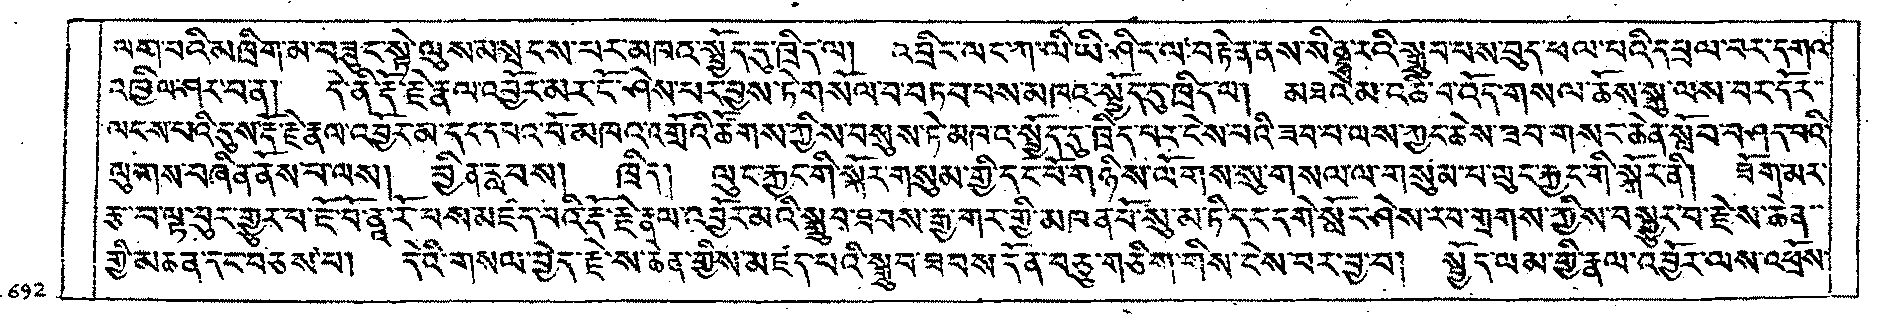ལག་པའི་མཁྲིག་མ་བཟུང་སྟེ་ལུས་མ་སྤངས་པར་མཁའ་སྤྱོད་དུ་ཁྲིད་ལ། འབྲིང་ལང་ཀ་ལི་ཡི་ཤིང་ལ་བརྟེན་ནས་སིནྡྷུ་རའི་སྒྲུབ་པས་བུད་ཕལ་པའི་དཔྲལ་བར་དགའ་
འཁྱིལ་ཤར་བ་ན། དེ་ནི་རྡོ་རྗེ་རྣལ་འབྱོར་མར་ངོ་ཤེས་པར་བྱས་ཏེ་གསོལ་བ་བཏབ་པས་མཁའ་སྤྱོད་དུ་ཁྲིད་ལ། མཐའ་མ་འཆི་བ་འོད་གསལ་ཆོས་སྐུ་ལས་བར་དོར་
ལངས་པའི་དུས་རྡོ་རྗེ་རྣལ་འབྱོར་མ་དང་དཔའ་བོ་མཁའ་འགྲོའི་ཚོགས་ཀྱིས་བསུས་ཏེ་མཁའ་སྤྱོད་དུ་ཁྲིད་པར་ངེས་པའི་ཟབ་པ་ལས་ཀྱང་ཆེས་ཟབ་གསང་ཆེན་སློབ་བཤད་པའི་
ལུགས་བཞིན་ནོས་པ་ལས། བྱིན་རླབས། ཁྲིད། ལུང་རྐྱང་གི་སྐོར་གསུམ་གྱི་དང་པོ་གཉིས་ལོགས་སུ་གསལ་ལ་གསུམ་པ་ལུང་རྐྱང་གི་སྐོར་ནི། ཐོག་མར་
རྩ་བ་ལྟ་བུར་གྱུར་པ་ཇོ་བོ་ནཱ་རོ་པས་མཛད་པའི་རྡོ་རྗེ་རྣལ་འབྱོར་མའི་སྒྲུབ་ཐབས་རྒྱ་གར་གྱི་མཁན་པོ་སུ་མ་ཏི་དང་དགེ་སློང་ཤེས་རབ་གྲགས་ཀྱིས་བསྒྱུར་བ་རྗེ་ས་ཆེན་
གྱི་མཆན་དང་བཅས་པ། དེའི་གསལ་བྱེད་རྗེ་ས་ཆེན་གྱིས་མཛད་པའི་སྒྲུབ་ཐབས་དོན་བཅུ་གཅིག་གིས་ངེས་པར་བྱ་བ། སྤྱོད་ལམ་གྱི་རྣལ་འབྱོར་ལས་འཕྲོས་